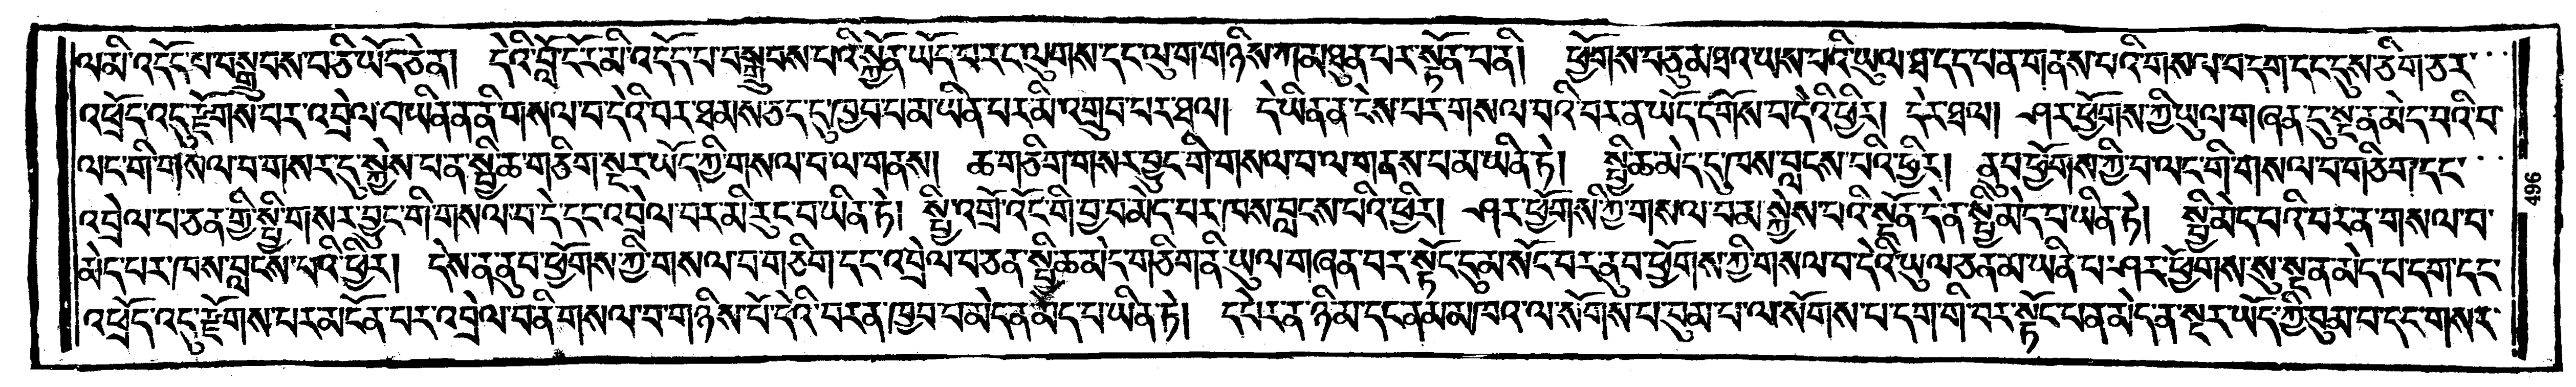ལ་མི་འདོད་པ་བསྒྲུབས་པ་ཅི་ཡོད་ཅེ་ན། དེའི་བློ་ངོར་མི་འདོད་པ་བསྒྲུབས་པའི་སྐྱོན་ཡོད་པ་རང་ལུགས་དང་ལུ་ག་གཉིས་ཀ་མཐུན་པར་སྟོན་པ་ནི། ཕྱོགས་བཅུ་མཐའ་ཡས་པའི་ཡུལ་ཐ་དད་པ་ན་གནས་པའི་གསལ་བ་དག་དང་དུས་ཅིག་ཅར་
འཕྲོད་འདུ་རྫོགས་པར་འབྲེལ་བ་ཡིན་ན་ནི་གསལ་བ་དེའི་བར་ཐམས་ཅད་དུ་ཁྱབ་པ་མ་ཡིན་པར་མི་འགྲུབ་པར་ཐལ། དེ་ཡིན་ན་ངེས་པར་གསལ་བའི་བར་ན་ཡོད་དགོས་པ་དེའི་ཕྱིར། དེར་ཐལ། ཤར་ཕྱོགས་ཀྱི་ཡུལ་གཞན་དུ་སྔ་ན་མེད་པའི་བ་
ལང་གི་གསལ་བ་གསར་དུ་སྐྱེས་པ་ན་སྤྱི་ཆ་གཅིག་སྔར་ཡོད་ཀྱི་གསལ་བ་ལ་གནས། ཆ་གཅིག་གསར་བྱུང་གི་གསལ་བ་ལ་གནས་པ་མ་ཡིན་ཏེ། སྤྱི་ཆ་མེད་དུ་ཁས་བླངས་པའི་ཕྱིར། ནུབ་ཕྱོགས་ཀྱི་བ་ལང་གི་གསལ་བ་གཅིག་དང་
འབྲེལ་བ་ཅན་གྱི་སྤྱི་གསར་བྱུང་གི་གསལ་བ་དེ་དང་འབྲེལ་བར་མི་རུང་བ་ཡིན་ཏེ། སྤྱི་འགྲོ་འོད་གི་བྱ་བ་མེད་པར་ཁས་བླངས་པའི་ཕྱིར། ཤར་ཕྱོགས་ཀྱི་གསལ་བ་མ་སྐྱེས་པའི་སྔོན་དེ་ན་སྤྱི་མེད་པ་ཡིན་ཏེ། སྤྱི་མེད་པའི་བར་ན་གསལ་བ་
མེད་པར་ཁས་བླངས་པའི་ཕྱིར། དེས་ན་ནུབ་ཕྱོགས་ཀྱི་གསལ་བ་གཅིག་དང་འབྲེལ་བ་ཅན་སྤྱི་ཆ་མེད་གཅིག་ནི་ཡུལ་གཞན་བར་སྟོང་དུ་མ་སོང་བར་ནུབ་ཕྱོགས་ཀྱི་གསལ་བ་དེའི་ཡུལ་ཅན་མ་ཡིན་པ་ཤར་ཕྱོགས་སུ་སྔ་ན་མེད་པ་དག་དང་
འཕྲོད་འདུ་རྫོགས་པར་མངོན་པར་འབྲེལ་བ་ནི་གསལ་བ་གཉིས་པོ་དེའི་བར་ན་ཁྱབ་པ་མེད་ན་མེད་པ་ཡིན་ཏེ། དཔེར་ན་ཉི་མ་དང་ནམ་མཁའ་ལ་སོགས་པ་བུམ་པ་ལ་སོགས་པ་དག་གི་བར་སྟོང་པ་ན་མེད་ན་སྔར་ཡོད་ཀྱི་བུམ་པ་དང་གསར་